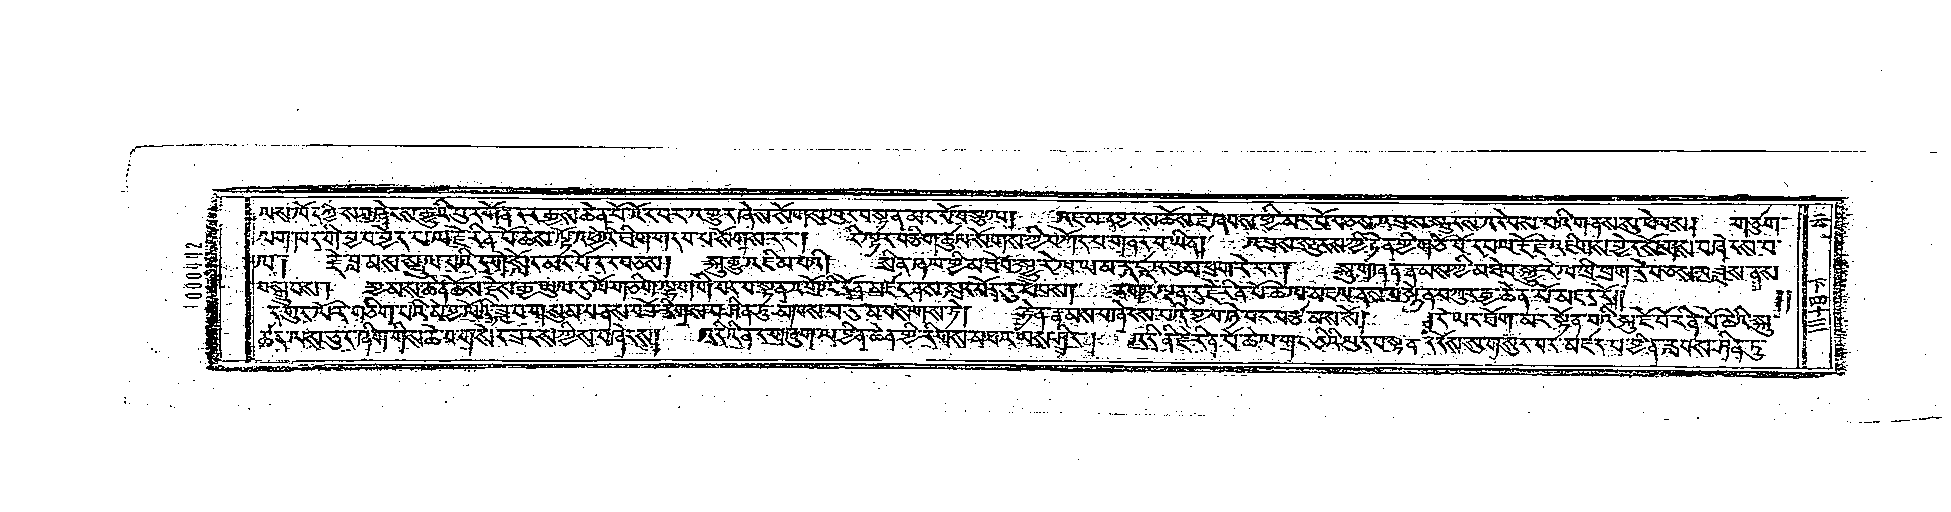ལས་ཁོར་ཀྱིས་བཞེངས་རྒྱུའི་བུ་དགོན་དང་རྒྱས་ཆེན་པོ་འོང་བར་འགྱུར་ཞེས་སོགས་ལུང་བསྟན་མང་པོ་བསྩལ། འཇམ་དབྱངས་ཆོས་རྗེ་ཞབས་ཕྱི་མང་པོ་བཅས་འབྲས་སྤུངས་འདེབས་པའི་གནས་སུ་ཕེབས། གཙུག་
ལག་ཁང་གི་བྱ་བ་བྱེད་པ་ལ་རྗེ་རིན་པོ་ཆེས་ལྟོ་འཕྱེའི་ཐིག་གདབ་པ་སོགས་དང་། དེ་ལྟར་བརྩིག་ཚུལ་སོགས་ཀྱི་བཀོད་པ་གནང་བ་ཡིན། འབྲས་སྤུངས་ཀྱི་རྟེན་གྱི་གཙོ་བོ་དཔལ་རྡོ་རྗེ་འཇིགས་བྱེད་སོགས་བཞེངས་བ་
ལ༑ རྗེ་བླ་མས་སྤྲུལ་པའི་དགེ་སློང་མང་པོ་དང་བཅས། སྐུ་རྒྱུ་འཇིམ་པའི། སྲིན་ཞལ་གྱི་མཐོབ་སྐྱུ་རེ་ལ་ཡ་མ་རཱ་ཛཱ་འབུམ་ཕྲག་རེ་དང་། སྐུ་གཞན་རྣམས་ཀྱི་མཐེབ་སྐྱུ་རེ་ལ་ཁྲི་ཕྲག་རེ་བཅས་བཟླས་ནས་
བསྒྲུབས། བྱམས་ཆེན་ཆོས་རྗེས་རྒྱ་ཡུལ་དུ་ལོ་གཅིག་ལྷག་གི་བར་བསྟན་འགྲོའི་དོན་མཛད་ནས་སླར་བོད་དུ་ཕེབས། དགའ་ལྡན་དུ་རྗེ་རིན་པོ་ཆེ་ལ་མཇལ་ནས་བསྙེན་བཀུར་རྒྱ་ཆེན་པོ་མཛད་དོ།། །།
དགུང་ལོ་རེ་གཅིག་པའི་མེ་བྱ་ལོའི་ཟླ་བ་གསུམ་པ་ནས་བཟོ་རིགས་པ་ཤིན་ཏུ་མཁས་པ་དུ་མ་བསགས་ཏེ། རྟེན་རྣམས་བཞེངས་པའི་བྱ་བ་ཉེ་བར་བརྩམས་སོ། །དེ་ཡང་ཐོག་མར་སྟོན་པའི་སྐུ་ཇོ་བོ་རིན་པོ་ཆེའི་སྐུ་
ཚད་ལས་ཅུང་ཞིག་གིས་ཆེ་བ་གསེར་ཟངས་ཀྱིས་བཞེངས། འདིའི་ནང་གཞུག་ལ་བྱིན་ཆེན་གྱི་རིགས་མཐའ་ཡས་ཤིང་། འདི་ནི་རྗེ་རིན་པོ་ཆེ་ལ་གང་ཅིའི་ལུང་བསྟན་དངོས་སུ་གསུང་བར་མཛད་པ་བྱིན་རླབས་ཤིན་ཏུ་